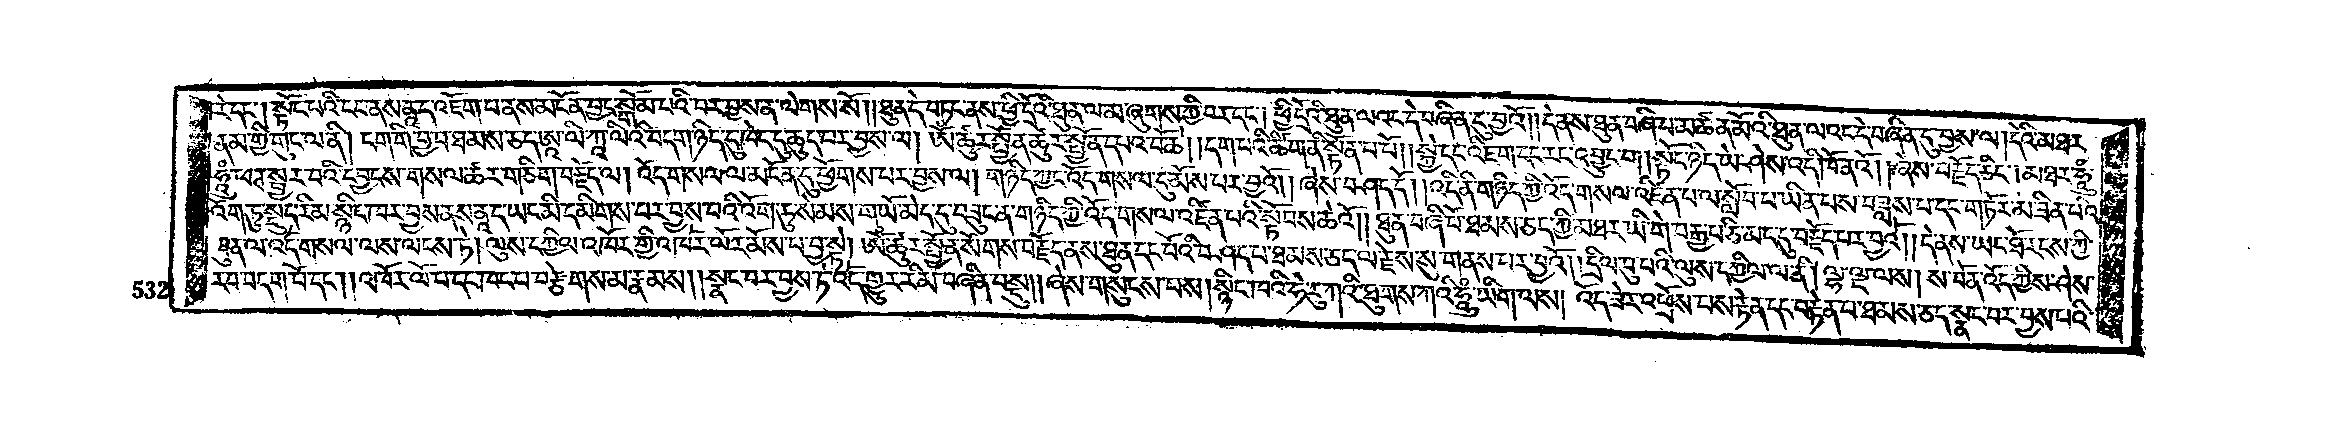རེ་དང་། སྟོང་པའི་ངང་ནས་ནཱ་ད་འཇོག་པ་ནས་མངོན་བྱང་སྒོམ་པའི་བར་བྱས་ན་ལེགས་སོ། །ཐུན་དེ་བཏང་ནས་ཕྱི་དྲོའི་ཐུན་ལ་མ་ཞུགས་ཀྱི་བར་དང་། ཕྱི་དྲོའི་ཐུན་ལའང་དེ་བཞིན་དུ་བྱའོ། །དེ་ནས་ཐུན་བཞི་པ་མཚན་མོའི་ཐུན་ལའང་དེ་བཞིན་དུ་བྱས་ལ། དེའི་མཐར་
ནམ་གྱི་གུང་ལ་ནི། ངག་གི་བྱ་བ་ཐམས་ཅད་ཨཱ་ལི་ཀཱ་ལིའི་བདག་ཉིད་དུ་ཁོང་དུ་ཆུད་པར་བྱས་ལ། ཨོཾ་ཚུར་སྤྱོན་ཚུར་སྤྱོན་དཔའ་བོ་ཆེ། །དག་པའི་ཚིག་ནི་སྟོན་པ་པོ། །སྐྱེ་དང་འཇིག་དང་རང་འབྱུང་བ། །སྟོང་ཉིད་ཡེ་ཤེས་འདི་ཁོ་ནའོ། །ཞེས་བརྗོད་ཅིང་། མཐར་ཧཱུཾ་
ཧཱུཾ་ཕཊ་སྦྱར་བའི་དབྱངས་གསལ་ཚར་གཅིག་བརྗོད་ལ། འོད་གསལ་ལ་མངོན་དུ་ཕྱོགས་པར་བྱས་ལ། གཉིད་ཀྱང་འོད་གསལ་དུ་མོས་པར་བྱའོ། །ཞེས་བཤད་དོ། །འདི་ནི་གཉིད་ཀྱི་འོད་གསལ་འཛིན་པ་ལ་སློབ་པ་ཡིན་པས་བཟླས་པ་དང་གཏོར་མ་ཟིན་པའི་
འོག་ཏུ་སྡུད་རིམ་སྙིང་ཁར་བྱས་ནས་ནཱ་ད་ཡང་མི་དམིགས་པར་བྱས་པའི་འོག་ཏུ་སེམས་གཡོ་མེད་དུ་བཟུང་ན་གཉིད་ཀྱི་འོད་གསལ་འཛིན་པའི་སྟོབས་ཆེའོ། །ཐུན་བཞི་པོ་ཐམས་ཅད་ཀྱི་མཐར་ཡི་གེ་བརྒྱ་པ་ཅི་མང་དུ་བརྗོད་པར་བྱའོ། །དེ་ནས་ཡང་ཐོ་རངས་ཀྱི་
ཐུན་ལ་འོད་གསལ་ལས་ལངས་ཏེ། ལུས་དཀྱིལ་འཁོར་གྱི་འཁོར་ལོར་མོས་པ་བྱ་སྟེ། ཨོཾ་ཚུར་སྤྱོན་སོགས་བརྗོད་ནས་ཐུན་དང་པོའི་བཤད་པ་ཐམས་ཅད་ལ་རྗེས་སུ་གནས་པར་བྱའོ། །དྲིལ་བུ་པའི་ལུས་དཀྱིལ་ལ་ནི། ལྷ་ལྔ་ལས། ས་བོན་འོད་ཀྱིས་ཤེས་
རབ་བདག་པོ་དང་། །འཁོར་ལོ་པ་དང་ཁང་པ་བརྩེགས་མ་རྣམས། །སྣང་བར་བྱས་ཏེ་འོད་གྱུར་རིམ་བཞིན་བསྡུ། །ཞེས་གསུངས་པས། སྙིང་ཁའི་ཧེ་རུ་ཀའི་ཐུགས་ཀའི་ཧཱུཾ་ཡིག་ལས། འོད་ཟེར་འཕྲོས་པས་རྟེན་དང་བརྟེན་པ་ཐམས་ཅད་སྣང་བར་བྱས་པའི་